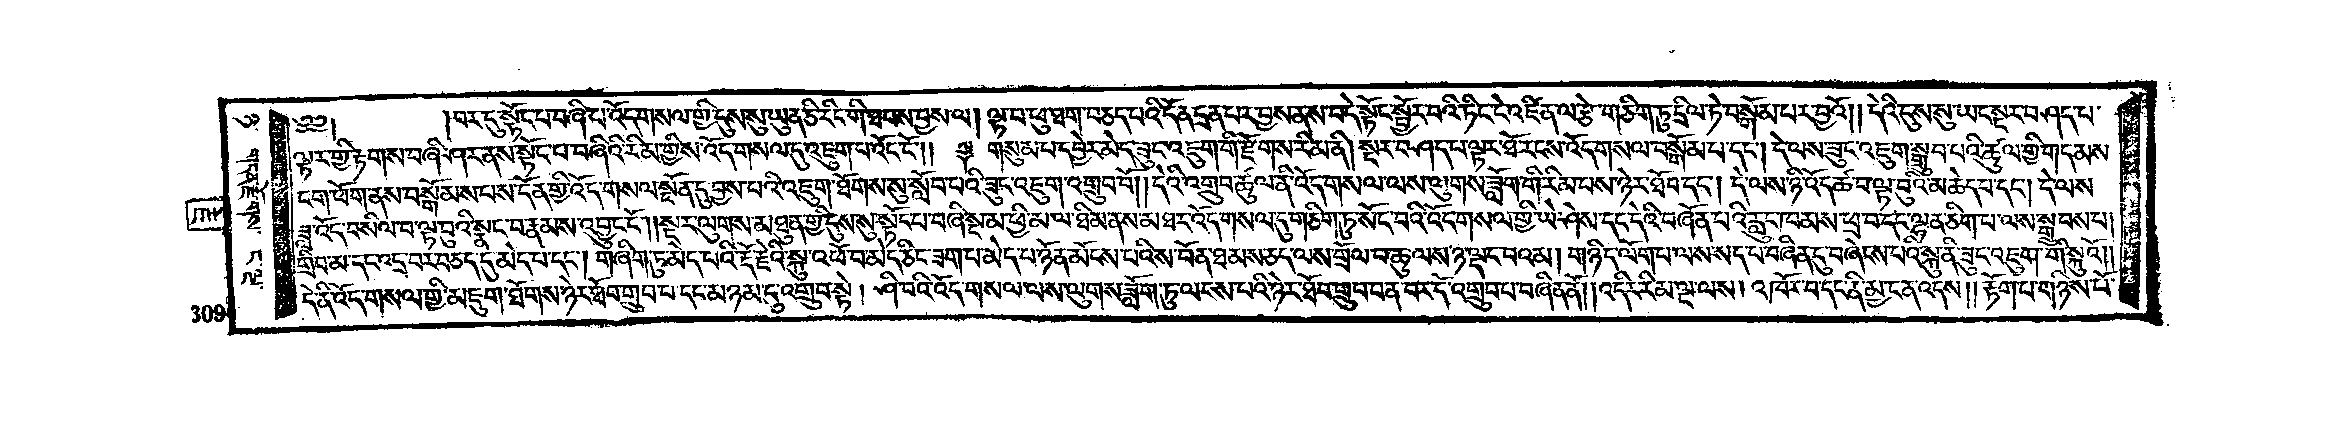༄༅། །བར་དུ་སྟོང་པ་བཞི་པ་འོད་གསལ་གྱི་དུས་སུ་ཡུན་ཅི་རིང་གི་ཐབས་བྱས་ལ། ལྟ་བ་ཕུ་ཐག་བཅད་པའི་དོན་དྲན་པར་བྱས་ནས་བདེ་སྟོང་སྦྱོར་བའི་ཏིང་ངེ་འཛིན་ལ་རྩེ་གཅིག་ཏུ་དྲིལ་ཏེ་བསྒོམ་པར་བྱའོ། །དེའི་དུས་སུ་ཡང་སྔར་བཤད་པ་
ལྟར་གྱི་རྟགས་བཞི་ཤར་ནས་སྟོང་པ་བཞིའི་རིམ་གྱིས་འོད་གསལ་དུ་འཇུག་པ་འོང་ངོ།། ༈ གསུམ་པ་དབྱེར་མེད་ཟུང་འཇུག་གི་རྫོགས་རིམ་ནི། སྔར་བཤད་པ་ལྟར་ཐོ་རངས་འོད་གསལ་བསྒོམ་པ་དང་། དེ་ལས་ཟུང་འཇུག་སྒྲུབ་པའི་ཚུལ་གྱི་གདམས་
ངག་ཕོག་ནས་བསྒོམས་པས་དོན་གྱི་འོད་གསལ་སྔོན་དུ་བྱས་པའི་འཇུག་ཐོགས་སུ་སློབ་པའི་ཟུང་འཇུག་འགྲུབ་བོ། །དེའི་འགྲུབ་ཚུལ་ནི་འོད་གསལ་ལས་ལུགས་ཟློག་གི་རིམ་པས་ཉེར་ཐོབ་དང་། དེ་ལས་ཉི་འོད་ཚ་བ་ལྟ་བུའི་མཆེད་པ་དང་། དེ་ལས་
ཟླ་འོད་བསིལ་བ་ལྟ་བུའི་སྣང་བ་རྣམས་འབྱུང་ངོ། །སྔར་ལུགས་མཐུན་གྱི་དུས་སུ་སྟོང་པ་བཞི་སྔ་མ་ཕྱི་མ་ལ་ཐིམ་ནས་མཐར་འོད་གསལ་དུ་གཅིག་ཏུ་སོང་བའི་འོད་གསལ་གྱི་ཡེ་ཤེས་དང་དེའི་བཞོན་པའི་རླུང་ཁམས་ཕྲ་བ་དང་ལྷན་ཅིག་པ་ལས་སྒྲུབས་པ།
གྲིབ་མ་དང་འདྲ་བར་བཅད་དུ་མེད་པ་དང་། གཞིག་ཏུ་མེད་པའི་རྡོ་རྗེའི་སྐུ་འཕོ་བ་མེད་ཅིང་ཟག་པ་མེད་པ་ཉོན་མོངས་པའི་ས་བོན་ཐམས་ཅད་ལས་གྲོལ་བ་ཆུ་ལས་ཉ་ལྡང་བའམ། གཉིད་ལོག་པ་ལས་སད་པ་བཞིན་དུ་བཞེངས་པའི་སྐུ་ནི་ཟུང་འཇུག་གི་སྐུའོ། །
དེ་ནི་འོད་གསལ་གྱི་མཇུག་ཐོགས་ཉེར་ཐོབ་གྲུབ་པ་དང་མཉམ་དུ་འགྲུབ་སྟེ། ཤི་བའི་འོད་གསལ་ལས་ལུགས་ཟློག་ཏུ་ལངས་པའི་ཉེར་ཐོབ་གྲུབ་པ་ན་བར་དོ་འགྲུབ་པ་བཞིན་ནོ། །འདིར་རིམ་ལྔ་ལས། འཁོར་བ་དང་ནི་མྱ་ངན་འདས། །རྟོག་པ་གཉིས་པོ་